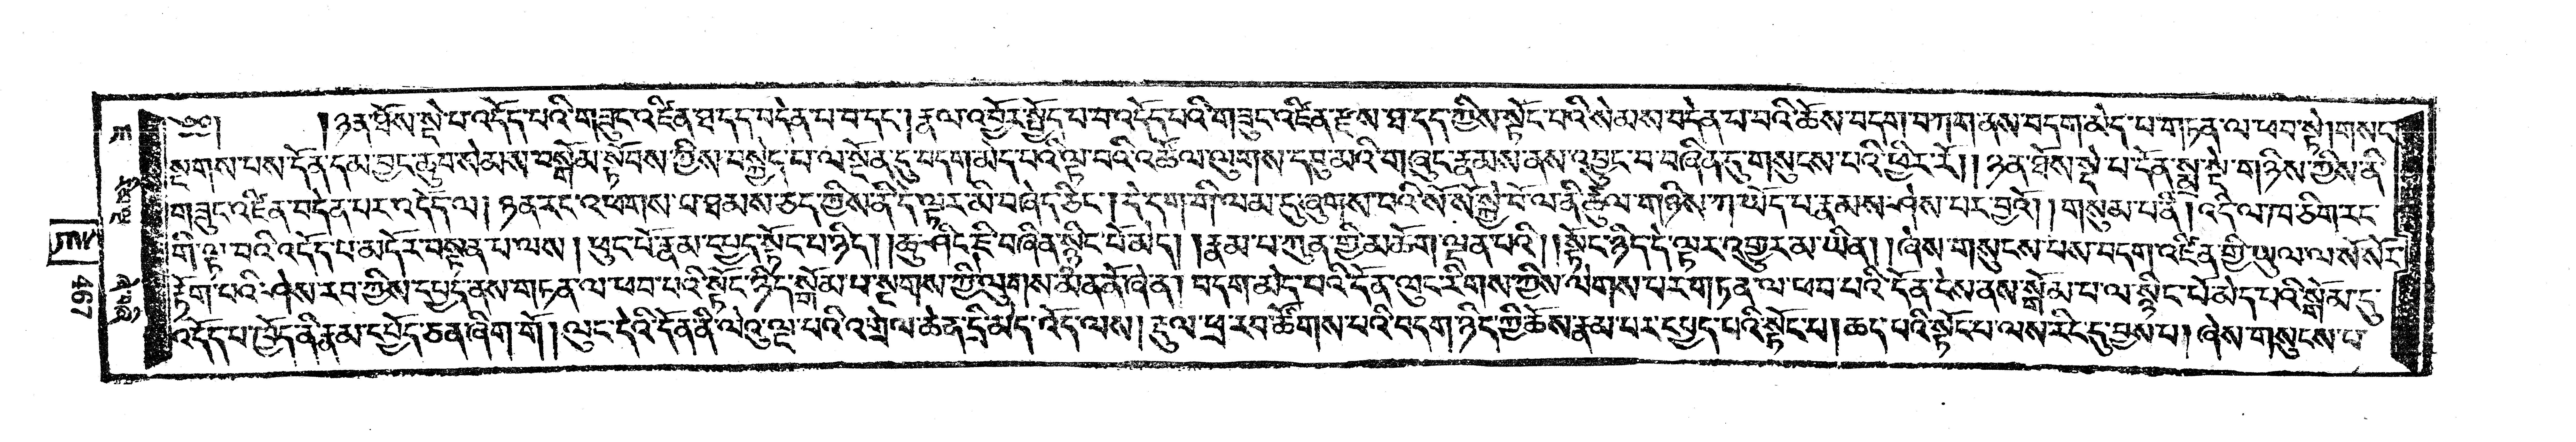༄༅། །ཉན་ཐོས་སྡེ་པ་འདོད་པའི་གཟུང་འཛིན་ཐ་དད་བདེན་པ་བ་དང་། རྣལ་འབྱོར་སྤྱོད་པ་བ་འདོད་པའི་གཟུང་འཛིན་རྫས་ཐ་དད་ཀྱིས་སྟོང་པའི་སེམས་བདེན་པ་བའི་ཆོས་བདག་བཀག་ནས་བདག་མེད་པ་གཏན་ལ་ཕབ་སྟེ། གསང་
སྔགས་པས་དོན་དམ་བྱང་ཆུབ་སེམས་བསྒོམ་སྟོབས་ཀྱིས་བསྐྱེད་པ་ལ་སྔོན་དུ་བདག་མེད་པའི་ལྟ་བའི་འཚོལ་ལུགས་དབུ་མའི་གཞུང་རྣམས་ནས་འབྱུང་བ་བཞིན་དུ་གསུངས་པའི་ཕྱིར་རོ། །ཉན་ཐོས་སྡེ་པ་དོན་སྨྲ་སྡེ་གཉིས་ཀྱིས་ནི་
གཟུང་འཛིན་བདེན་པར་འདོད་ལ། ཉན་རང་འཕགས་པ་ཐམས་ཅད་ཀྱིས་ནི་དེ་ལྟར་མི་བཞེད་ཅིང་། དེ་དག་གི་ལམ་དུ་ཞུགས་པའི་སོ་སོ་སྐྱེ་བོ་ལ་ནི་ཚུལ་གཉིས་ཀ་ཡོད་པ་རྣམས་ཤེས་པར་བྱའོ། །གསུམ་པ་ནི། འདི་ལ་ཁ་ཅིག་རང་
གི་ལྟ་བའི་འདོད་པ་མདོར་བསྟན་པ་ལས། ཕུང་པོ་རྣམ་དཔྱད་སྟོང་པ་ཉིད། །ཆུ་ཤིང་ཇི་བཞིན་སྙིང་པོ་མེད། །རྣམ་པ་ཀུན་གྱི་མཆོག་ལྡན་པའི། །སྟོང་ཉིད་དེ་ལྟར་འགྱུར་མ་ཡིན། །ཞེས་གསུངས་པས་བདག་འཛིན་གྱི་ཡུལ་ལ་སོ་སོར་
རྟོག་པའི་ཤེས་རབ་ཀྱིས་དཔྱད་ནས་གཏན་ལ་ཕབ་པའི་སྟོང་ཉིད་སྒོམ་པ་སྔགས་ཀྱི་ལུགས་མིན་ནོ་ཞེ་ན། བདག་མེད་པའི་དོན་ལུང་རིགས་ཀྱིས་ལེགས་པར་གཏན་ལ་ཕབ་པའི་དོན་ངེས་ནས་སྒོམ་པ་ལ་སྙིང་པོ་མེད་པའི་སྒོམ་དུ་
འདོད་པ་ཁྱོད་ནི་རྣམ་དཔྱོད་ཅན་ཞིག་གོ །ལུང་དེའི་དོན་ནི་ལེའུ་ལྔ་པའི་འགྲེལ་ཆེན་དྲི་མེད་འོད་ལས། རྡུལ་ཕྲ་རབ་ཚོགས་པའི་བདག་ཉིད་ཀྱི་ཆོས་རྣམ་པར་དཔྱད་པའི་སྟོང་པ། ཆད་པའི་སྟོང་པ་ལས་རིང་དུ་བྱས་པ། ཞེས་གསུངས་པ་